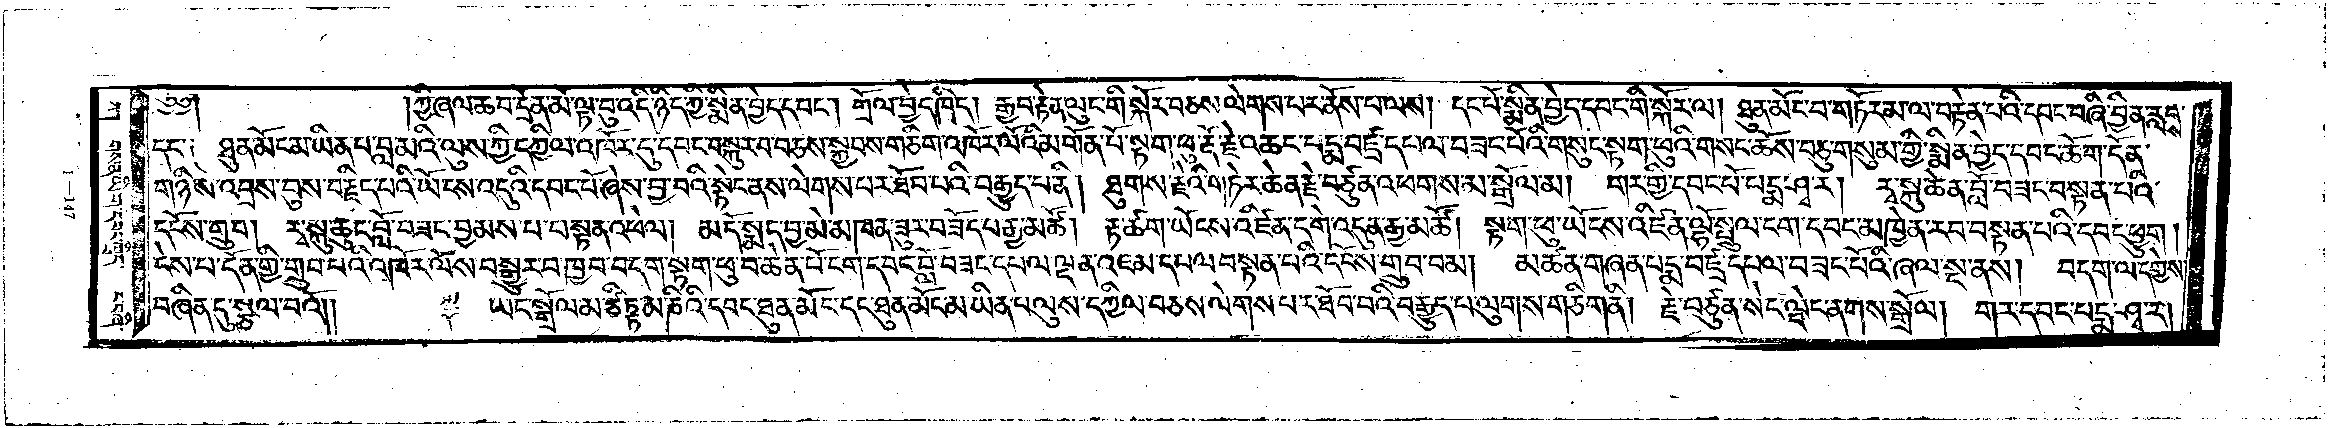༄༅། །ཀྱི་ཞལ་ཆབ་དྲེན་མེ་ལྟ་བུ་འདི་ཉིད་ཀྱི་སྨིན་བྱེད་དབང་། གྲོལ་བྱེད་ཁྲིད། རྒྱབ་རྟེན་ལུང་གི་སྐོར་བཅས་ལེགས་པར་ནོས་པ་ལས། དང་པོ་སྨིན་བྱེད་དབང་གི་སྐོར་ལ། ཐུན་མོང་བ་གཏོར་མ་ལ་བརྟེན་པའི་དབང་བཞི་བྱིན་རླབས་
དང༑ ཐུན་མོང་མ་ཡིན་པ་བླ་མའི་ལུས་ཀྱི་དཀྱིལ་འཁོར་དུ་དབང་བསྐུར་བ་བཅས་སྐྱབས་གཅིག་འཁོར་ལོའི་མགོན་པོ་སྟག་ཕུ་རྡོ་རྗེ་འཆང་པདམ་བཛྲ་དཔལ་བཟང་པོའི་གསུང་སྟག་ཕུའི་གསང་ཆོས་བཅུ་གསུམ་གྱི་སྨིན་བྱེད་དབང་ཆོག་དོན་
གཉིས་འབྲས་བུས་བརྗིད་པའི་ཡོངས་འདུའི་དབང་པོ་ཞེས་བྱ་བའི་སྟེང་ནས་ལེགས་པར་ཐོབ་པའི་བརྒྱུད་པ་ནི། ཐུགས་རྗེའི་གཏེར་ཆེན་རྗེ་བཙུན་འཕགས་མ་སྒྲོལ་མ། གར་གྱི་དབང་པོ་པདམ་ཤྭ་ར། རྭ་སྐུ་ཆེན་བློ་བཟང་བསྟན་པའི་
དངོས་གྲུབ། རྭ་སྐུ་ཆུང་བློ་བཟང་བྱམས་པ་བསྟན་འཕེལ། མདོ་སྨད་བྱ་མེ་མཁན་ཟུར་བཟོད་པ་རྒྱ་མཚོ། རྟ་ཚག་ཡོངས་འཛིན་དགེ་འདུན་རྒྱ་མཚོ། སྟག་ཕུ་ཡོངས་འཛིན་ལྷོ་སྤྲུལ་ངག་དབང་མཁྱེན་རབ་བསྟན་པའི་དབང་ཕྱུག།
ངེས་པ་དོན་གྱི་གྲུབ་པའི་འཁོར་ལོས་བསྒྱུར་བ་ཁྱབ་བདག་སྟག་ཕུ་བ་ཆེན་པོ་ངག་དབང་བློ་བཟང་དཔལ་ལྡན་འཇམ་དཔལ་བསྟན་པའི་དངོས་གྲུབ་བམ། མཚན་གཞན་པདམ་བཛྲ་དཔལ་བཟང་པོའི་ཞལ་སྔ་ནས། བདག་ལ་དགྱེས་
བཞིན་དུ་སྩལ་བའོ།། ༈ ཡང་སྒྲོལ་མ་ཙིཏྟ་མ་ཎྀའི་དབང་ཐུན་མོང་དང་ཐུན་མོང་མ་ཡིན་པ་ལུས་དཀྱིལ་བཅས་ལེགས་པར་ཐོབ་པའི་བརྒྱུད་པ་ལུགས་གཅིག་ནི། རྗེ་བཙུན་སེང་ལྦེང་ནགས་སྒྲོལ། གར་དབང་པདམ་ཤྭ་ར།